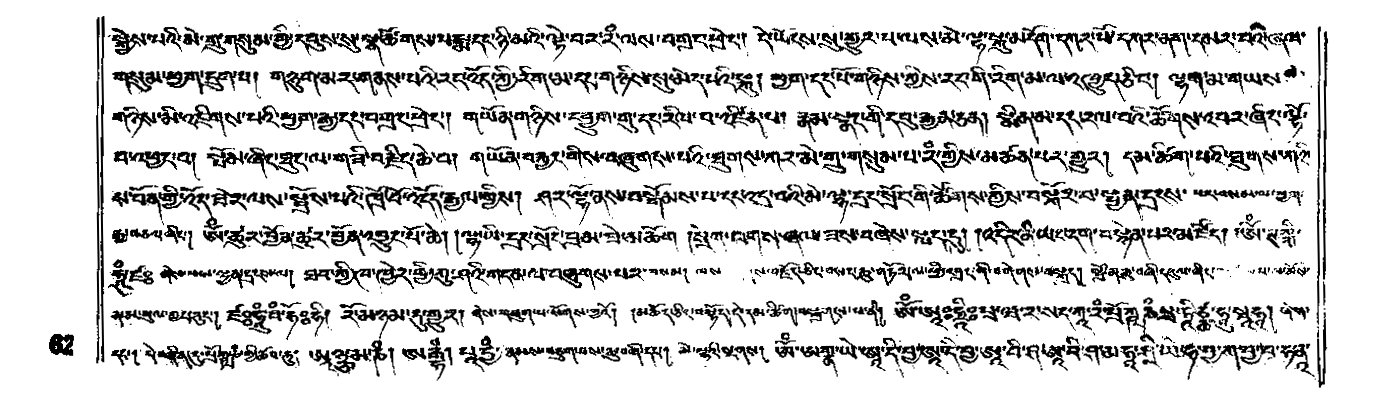སྐྱེས་པའི་མེ་གྲུ་གསུམ་གྱི་དབུས་སུ་སྣ་ཚོགས་པདམ་དང་ཉི་མའི་ལྟེ་བར་རཾ་ལས་བགྲང་ཕྲེང་། དེ་ཡོངས་སུ་གྱུར་པ་ལས་མེ་ལྷ་སྐུ་མདོག་དཀར་པོ་དཀར་ནག་དམར་བའི་ཞལ་
གསུམ་ཕྱག་དྲུག་པ། གཉུག་མར་གནས་པའི་རང་འོད་ཀྱི་རིག་མ་དང་གཉིས་སུ་མེད་པའི་སྐུ། ཕྱག་དང་པོ་གཉིས་ཀྱིས་རང་གི་རིག་མ་ལ་འཁྱུད་ཅིང་། ལྷག་མ་གཡས་?
གཉིས་མི་འཇིགས་པའི་ཕྱག་རྒྱ་དང་བགྲང་ཕྲེང་། གཡོན་གཉིས་དབྱུག་གུ་དང་རིལ་བ་འཛིན་པ། རྣམ་སྣང་གི་དབུ་རྒྱན་ཅན། སྨིན་མ་དང་རལ་བའི་ཚོགས་འབར་ཞིང་ལྟོ་
བ་འཕྱང་བ། སྤོམ་ཞིང་ཐུང་ལ་གཟི་བརྗིད་ཆེ་བ། གཡོན་བརྐྱང་གིས་བཞུགས་པའི་ཐུགས་ཀར་མེ་གྲུ་གསུམ་པ་རཾ་གྱིས་མཚན་པར་གྱུར། དམ་ཚིག་པའི་ཐུགས་ཀའི་
ས་བོན་གྱི་འོད་ཟེར་ལས་སྤྲོས་པའི་ཁྲོ་བོ་འདོད་རྒྱལ་གྱིས། ཤར་ལྷོ་ནས་བསྒོམས་པ་དང་འདྲ་བའི་མེ་ལྷ་དྲང་སྲོང་གི་ཚོགས་ཀྱིས་བསྐོར་བ་སྤྱན་དྲངས་པར་བསམ་ལ་ཕྱག་
རྒྱ་བཅའ་ཞིང་། ཨོཾ་ཚུར་བྱོན་ཚུར་བྱོན་འབྱུང་པོ་ཆེ། །ལྷ་ཡི་དྲང་སྲོང་བྲམ་ཟེ་མཆོག །སྲེག་བགས་ཞལ་ཟས་བཞེས་སླད་དུ། །འདིར་ནི་ཡང་དག་བསྙེན་པར་མཛོད། །ཨོཾ་ཊཀྐི་
ཧཱུཾ་ཛཿ ཞེས་པས་སྤྱན་དྲངས་ལ།  ཐབ་ཀྱི་ཁ་ཁྱེར་གྱི་ཀུ་ཤའི་གདན་ལ་བཞུགས་པར་བསམ། ལས་??ལ་བརྗོད་ཅིང་བསང་ཆུ་གཏོར་ལ་ཕྱི་འབྲང་གི་བགེགས་བསྐྲད། སྦྲོ?་མཆུ་བཞི་དབུལ་ཞིང་??ལས་ལ་མོས་
ན་མ་ཕུལ་ཀྱང་རུང་། ཛཿ ཧཱུཾ་བཾ་ཧོཿ ཧི། རོ་མཉམ་དུ་གྱུར། ཞེས་གཞུག་པ་སོགས་བྱའོ། །མཆོད་ཅིང་བསྟོད་དེ་དམ་ཚིག། བསྒྲགས་པ་ནི།  ཨོཾ་ཨཱཿ ཧྲཱིཿ པྲ་ཝ་ར་སད་ཀཱ་རཾ་པྲོཀྵ་ཎཾ་པྲ་ཏཱིཙྪ་ཧཱུཾ་སྭཱཧཱ། ཞེས་
དང་། དེ་བཞིན་དུ་པྲོཀྵ་ཎཾ་གྱི་ཚབ?་ཏུ༑ ཨཱཉྩ་མ་ཎཾ། ཨརྒྷཾ། པཱདྱཾ་རྣམས་བཅུག་པས་ཆུ་བཞི་དང་། མེ་ལྷའི་སྔགས།  ཨོཾ་ཨགན་ཡེ་ཨཱ་དི་བྱ་ཨཱ་དི་བྱ་ཨཱ་བི་ཤ་ཨཱ་བི་ཤ་མཧཱ་ཤྲི་ཡེ་ཧ་བྱ་ཀ་བྱ་བ་ཧ་ནཱ་